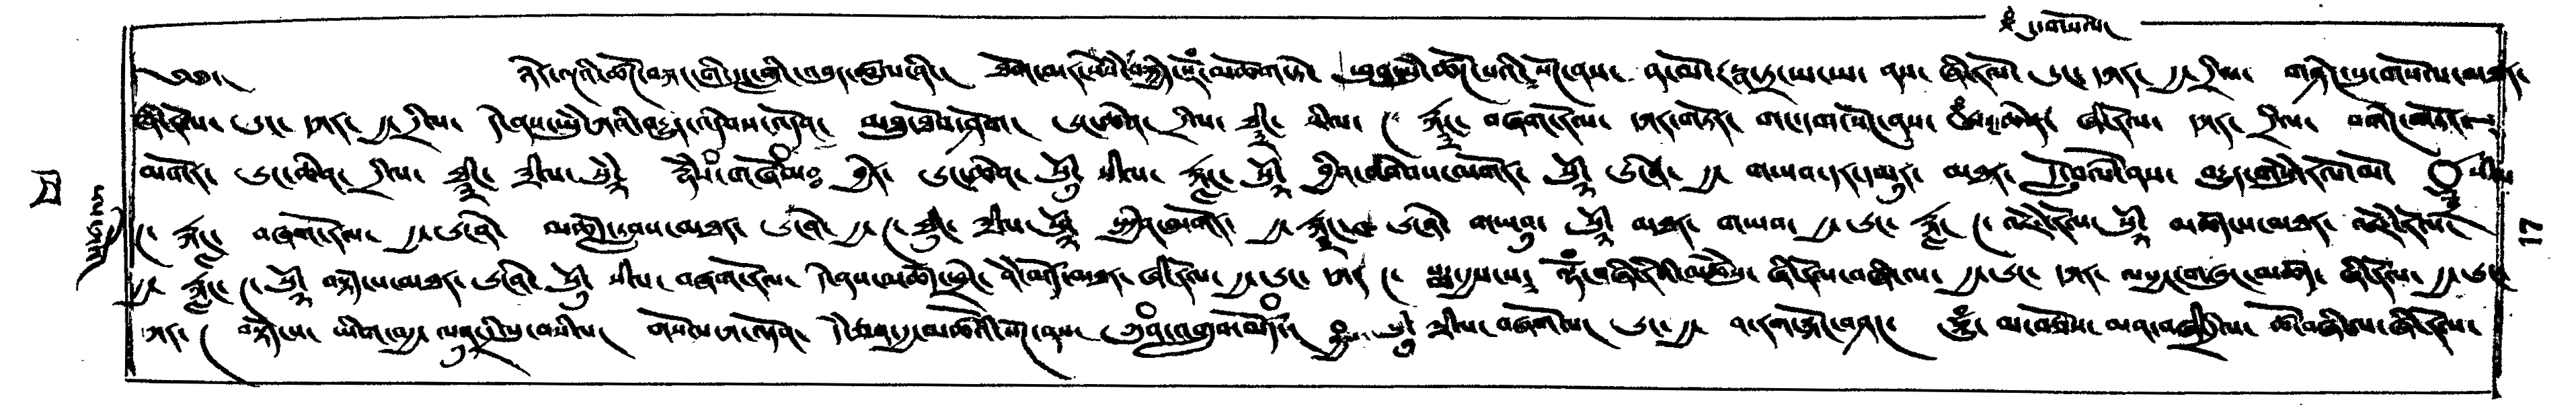༈ ཉེར་ལྔའི་ཚོགས་བསྐང་གི་དུང་གླིང་འབུད་ཚུལ་ནི། ཐོག་མར་སེམས་བསྐྱེད་སྡོམ་མཆོག་ཏེ། ཕུན་སུམ་ཚོགས་པའི་སོགས་ནས། ན་མོ་རཏྣ་ཏྲ་ཡ་ཡ། ནས་ཞི་རོལ། དུང་དཀར་རྒྱ་དྲིལ། གཤེགས་སུ་གསོལ་མཐར་
ཞི་རོལ། དུང་དཀར་རྒྱ་དྲིལ། དེ་ནས་ཡུམ་ཀའི་བརྒྱུད་འདེབས་འདོན། མཐུ་ཐོབ་ཤོག དུང་ཆེན། དྲིལ། ཐིང་གསུམ་སིལ། ཌཱ། རྐང་གསུམ། བཞག་རོལ། དཀར་གཏོར། གང་དག་སོགས་ནས། དུ་གསོལ། དུང་ཆེན། ཞི་རོལ། དཀར། དྲིལ། བགེགས་གཏོར་
འགོར། དུང་ཆེན། དྲིལ། ཐིང་གསུམ་ཟིལ། སུམ་གཉིས། རྡོ་རྗེ་གཞོམ། དུང་ཆེན། སུམ་གཅིག སིལ། རྐང་བཞི། སུམ་གཉིས། བྱིན་འབེབས་འགོར་སུམ་གཉིས། དུང་ཆེན། རྒྱ། གཡབ་དར་དམར་གཅིག མཐར། དངོས་གྲུབ་སྩོལ་ནས་བརྒྱུད་གསུམ་རོལ་མོ། སིལ། 
ཌཱ། རྐང་བཞི། བཞག་རོལ། རྒྱ་དུང་ཆེན། མཆོད་རླབས་མཐར། དུང་ཆེན། རྒྱ ཌཱ། ཐིང་གཅིག ཟིལ། སུམ་གཉིས། སྤྱན་འདྲེན་འགོར། རྒྱ རྐང་བཞི། དུང་ཆེན གཡབ་གཅིག སུམ་གཉིས། མཐར། གཡབ། རྒྱ་དུང་། རྐང་བཞི།ཌཱ། འཇམ་རོལ། སུམ་གཉིས། མཆོད་པ་མཐར། འཇམ་རོལ། 
རྒྱ། རྐང་། ཌཱ སུམ༢ བསྟོད་པ་མཐར། དུང་ཆེན། སུམ་གཅིག སིལ། བཞག་རོལ། དེ་ནས་མཆོད་ཕྲེང་། ནམ་མཛོད་མཐར། ཞི་རོལ། རྒྱ། དུང་། དཀར། ཌཱ པདྨ་རྒྱས་པ༴ ལྷ་མོ་བཞི་རེའི་མཚམས་སུ། ཞི་རོལ་བཞི་ལ། རྒྱ་དུང་། དཀར། ལས་བྱང་གཞུང་མཆོད། ཞི་རོལ། རྒྱ། དུང་། 
དཀར། ཌཱ། བསྟོད་པ། ཡིག་བརྒྱ། ལན་གཅིག་དྲིལ་བུ་བསིལ། གསོལ་ཁ་འདོན། དམ་ཅན་རྒྱ་མཚོའི་སོགས་ནས། ཀུན་འགྲུབ་མཛོད། སུམ་གཅིག ཟིལ། བཞོག་ལ། དུང་རྒྱ། ན་རཀ་སྐོང་བཤགས། ཧཱུྃཿ མ་བཅོས༴ མན་བཞི་དྲིལ། ཚོ་བཞི་ལ་ཞི་རོལ་